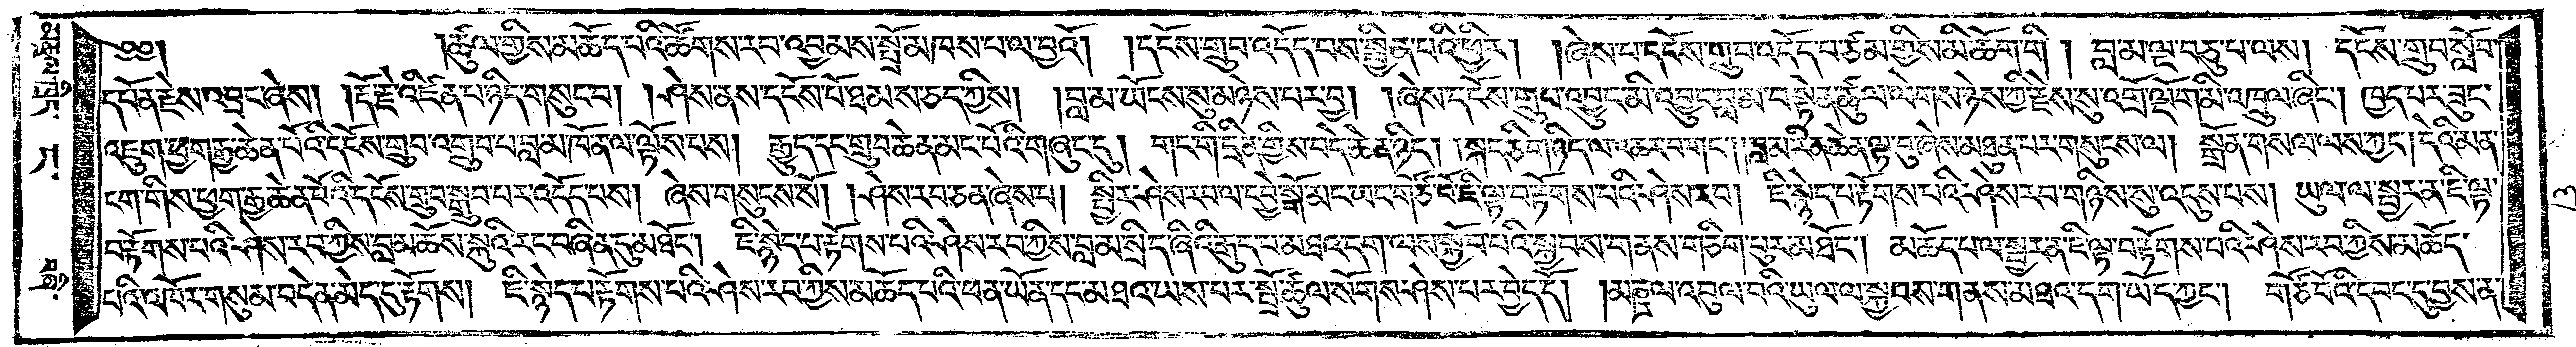༄༅། །ཚུལ་གྱིས་མཆོད་པའི་ཚོགས་རབ་འབྱམས་སྤྲོ་མཁས་པ་ལ་བྱའོ། །དངོས་གྲུབ་འདོད་བས་སྦྱིན་པའི་ཕྱིར། །ཞེས་པ་དངོས་གྲུབ་འདོད་པ་ཙམ་གྱིས་མཆོག་གི །བླ་མ་ལྒྣ་བཅུ་པ་ལས། དངོས་གྲུབ་སློབ་
དཔོན་རྗེས་འབྲང་ཞེས། །རྡོ་རྗེ་འཛིན་པ་ཉིད་གསུང་བ། །ཤེས་ནས་དངོས་པོ་ཐམས་ཅད་ཀྱིས། །བླ་མ་ཡོངས་སུ་མཉེས་པར་བྱ། །ཞེས་དངོས་གྲུབ་འབྱུང་མི་འབྱུང་བླ་མ་བསྟེན་ཚུལ་ལེགས་ཉེས་ཀྱི་རྗེས་སུ་འགྲོ་ལྡོག་མི་འཁྲུལ་ཞིང་། ཁྱད་པར་ཟུང་
འཇུག་ཕྱག་རྒྱ་ཆེན་པོའི་དངོས་གྲུབ་འགྲུབ་པ་བླ་མ་ཁོ་ན་ལ་ལྟོས་པས། རྒྱུད་དང་གྲུབ་ཆེན་མང་པོའི་གཞུང་དུ། གང་གི་དྲིན་གྱིས་བདེ་ཆེན་ཉིད། །སྐད་ཅིག་ཉིད་ལ་འཆར་བ་གང་། །བླ་མ་རིན་ཆེན་ལྟ་བུ་ཞེས་མཐུན་པར་གསུངས་ལ། སྒྲོན་གསལ་ལས་ཀྱང་། དེའི་མན་
ངག་གིས་ཕྱག་རྒྱ་ཆེན་པོའི་དངོས་གྲུབ་སྒྲུབ་པར་འདོད་པས། ཞེས་གསུངས་སོ། །ཤེས་རབ་ཅན་ཞེས་པ། སྤྱིར་ཤེས་རབ་ལ་དབྱེ་སྒོ་མང་ཡང་གཙོ་བོ་ཇི་ལྟ་བ་རྟོགས་པའི་ཤེས་རབ། ཇི་སྙེད་བ་རྟོགས་པའི་ཤེས་རབ་གཉིས་སུ་འདུས་པས། ཡུལ་ལ་སྦྱར་ན་ཇི་ལྟ་
བརྟོགས་པའི་ཤེས་རབ་ཀྱིས་བླ་མ་ཆོས་སྐུའི་རང་བཞིན་དུ་མཐོང་། ཇི་སྙེད་བ་རྟོགས་པའི་ཤེས་རབ་ཀྱིས་བླ་མ་སྲིད་ཞིའི་རྒུད་པ་མཐའ་དག་ལས་སྐྱོབ་པའི་སྐྱབས་གནས་གཅིག་པུར་མཐོང་། མཆོད་པ་ལ་སྦྱར་ན་ཇི་ལྟ་བརྟོགས་པའི་ཤེས་རབ་ཀྱིས་མཆོད་
པའི་འཁོར་གསུམ་བདེན་མེད་དུ་རྟོགས། ཇི་སྙེད་པའི་ཤེས་རབ་ཀྱིས་མཆོད་པའི་ཕན་ཡོན་དབ་མཐའ་ཡས་པར་སྤྲོ་ཚུལ་སོགས་ཤེས་པར་བྱེད་དོ། །མཎྜལ་འབུལ་བའི་ཡུལ་ལ་སྐྱབས་གནས་མཐའ་དག་ཡོད་ཀྱང་། གཙོ་བོའི་དབང་དུ་བྱས་ན་